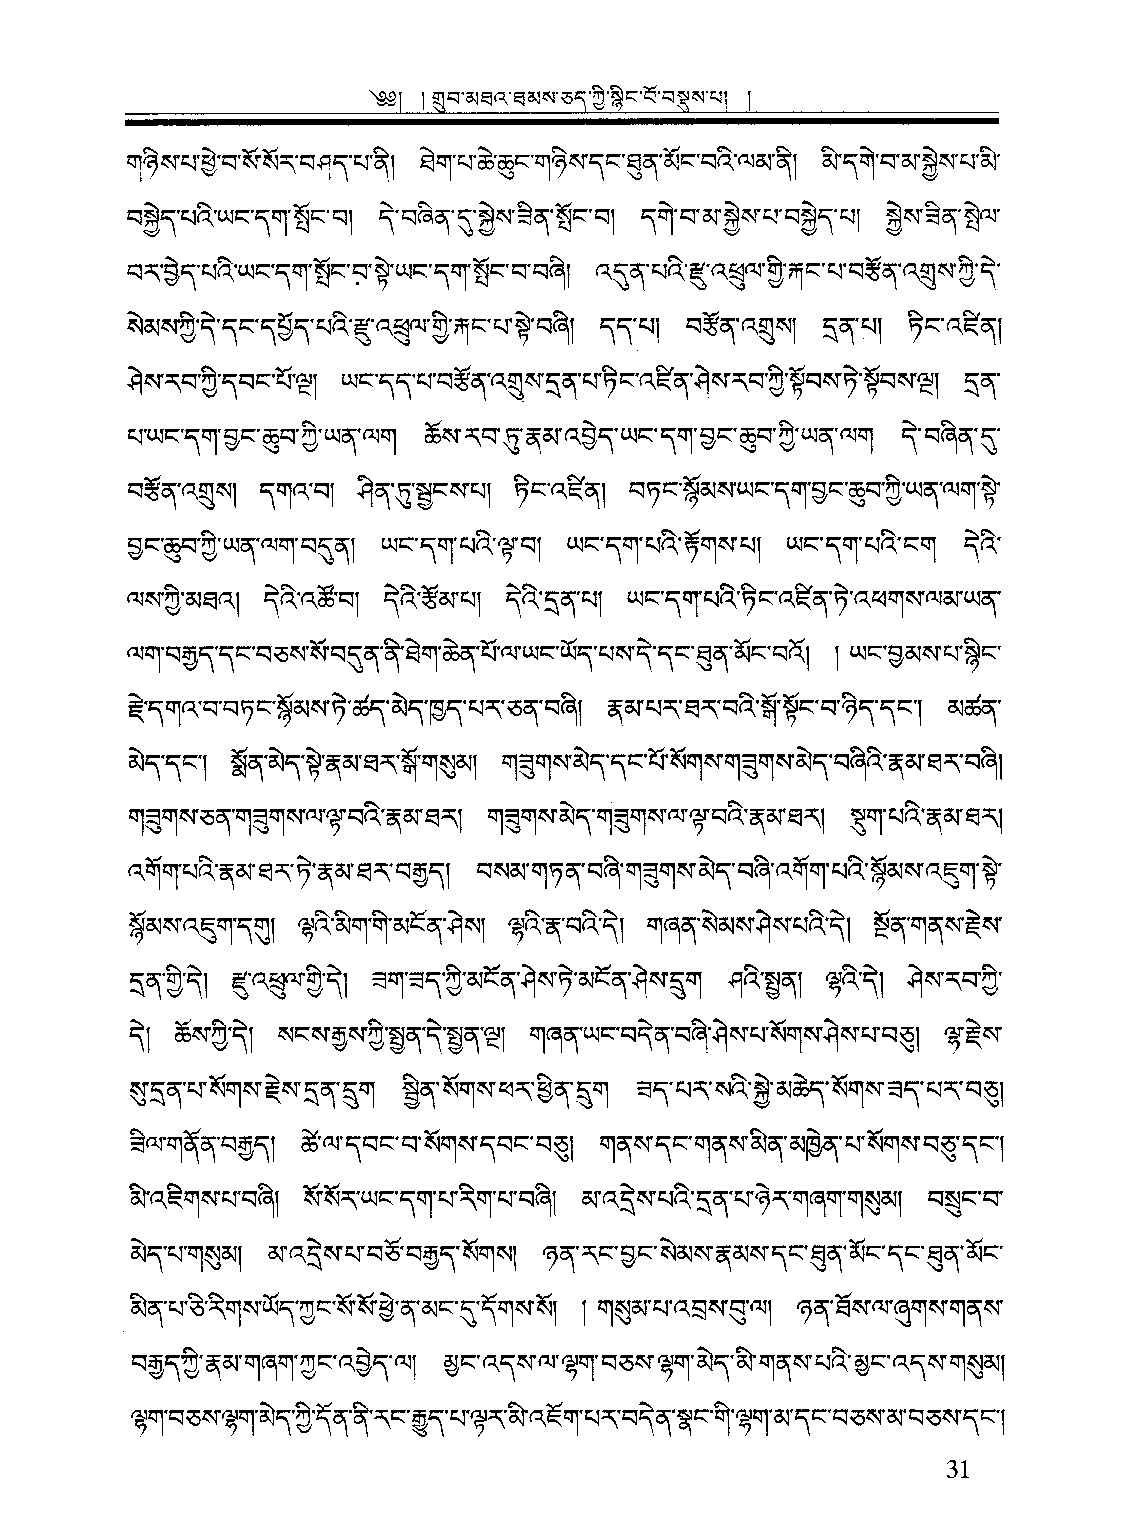གཉིས་པ་ཕྱེ་བ་སོ་སོར་བཤད་པ་ནི། ཐེག་པ་ཆེ་ཆུང་གཉིས་དང་ཐུན་མོང་བའི་ལམ་ནི། མི་དགེ་བ་མ་སྐྱེས་པ་མི་
བསྐྱེད་པའི་ཡང་དག་སྤོང་བ། དེ་བཞིན་དུ་སྐྱེས་ཟིན་སྤོང་བ། དགེ་བ་མ་སྐྱེས་པ་བསྐྱེད་པ། སྐྱེས་ཟིན་སྤེལ་
བར་བྱེད་པའི་ཡང་དག་སྤོང་བ་སྟེ་ཡང་དག་སྤོང་བ་བཞི། འདུན་པའི་རྫུ་འཕྲུལ་གྱི་རྐང་པ་བརྩོན་འགྲུས་ཀྱི་དེ་
སེམས་ཀྱི་དེ་དང་དཔྱོད་པའི་རྫུ་འཕྲུལ་གྱི་རྐང་པ་སྟེ་བཞི། དད་པ། བརྩོན་འགྲུས། དྲན་པ། ཏིང་འཛིན།
ཤེས་རབ་ཀྱི་དབང་པོ་ལྔ། ཡང་དད་པ་བརྩོན་འགྲུས་དྲན་པ་ཏིང་འཛིན་ཤེས་རབ་ཀྱི་སྟོབས་ཏེ་སྟོབས་ལྔ། དྲན་
པ་ཡང་དག་བྱང་ཆུབ་ཀྱི་ཡན་ལག་ཆོས་རབ་ཏུ་རྣམ་འབྱེད་ཡང་དག་བྱང་ཆུབ་ཀྱི་ཡན་ལག་དེ་བཞིན་དུ་
བརྩོན་འགྲུས། དགའ་བ། ཤིན་ཏུ་སྦྱངས་པ། ཏིང་འཛིན། བཏང་སྙོམས་ཡང་དག་བྱང་ཆུབ་ཀྱི་ཡན་ལག་སྟེ་
བྱང་ཆུབ་ཀྱི་ཡན་ལག་བདུན། ཡང་དག་པའི་ལྟ་བ། ཡང་དག་པའི་རྟོགས་པ། ཡང་དག་པའི་ངག་དེའི་
ལས་ཀྱི་མཐའ། དེའི་འཚོ་བ། དེའི་རྩོམ་པ། དེའི་དྲན་པ། ཡང་དག་པའི་ཏིང་འཛིན་ཏེ་འཕགས་ལམ་ཡན་
ལག་བརྒྱད་དང་བཅས་སོ་བདུན་ནི་ཐེག་ཆེན་པོ་ལ་ཡང་ཡོད་པས་དེ་དང་ཐུན་མོང་བའོ། །ཡང་བྱམས་པ་སྙིང་
རྗེ་དགའ་བ་བཏང་སྙོམས་ཏེ་ཚད་མེད་ཁྱད་པར་ཅན་བཞི། རྣམ་པར་ཐར་པའི་སྒོ་སྟོང་བ་ཉིད་དང་། མཚན་
མེད་དང་། སྨོན་མེད་སྟེ་རྣམ་ཐར་སྒོ་གསུམ། གཟུགས་མེད་དང་པོ་སོགས་གཟུགས་མེད་བཞིའི་རྣམ་ཐར་བཞི།
གཟུགས་ཅན་གཟུགས་ལ་ལྟ་བའི་རྣམ་ཐར། གཟུགས་མེད་གཟུགས་ལ་ལྟ་བའི་རྣམ་ཐར། སྡུག་པའི་རྣམ་ཐར།
འགོག་པའི་རྣམ་ཐར་ཏེ་རྣམ་ཐར་བརྒྱད། བསམ་གཏན་བཞི་གཟུགས་མེད་བཞི་འགོག་པའི་སྙོམས་འཇུག་སྟེ་
སྙོམས་འཇུག་དགུ། ལྷའི་མིག་གི་མངོན་ཤེས། ལྷའི་རྣ་བའི་དེ། གཞན་སེམས་ཤེས་པའི་དེ། སྔོན་གནས་རྗེས་
དྲན་གྱི་དེ། རྫུ་འཕྲུལ་གྱི་དེ། ཟག་ཟད་ཀྱི་མངོན་ཤེས་ཏེ་མངོན་ཤེས་དྲུག་ཤའི་སྤྱན། ལྷའི་དེ། ཤེས་རབ་ཀྱི་
དེ། ཆོས་ཀྱི་དེ། སངས་རྒྱས་ཀྱི་སྤྱན་དེ་སྤྱན་ལྔ། གཞན་ཡང་བདེན་བཞི་ཤེས་པ་སོགས་ཤེས་པ་བཅུ། ལྷ་རྗེས་
སུ་དྲན་པ་སོགས་རྗེས་དྲན་དྲུག་སྦྱིན་སོགས་ཕར་ཕྱིན་དྲུག་ཟད་པར་སའི་སྐྱེ་མཆེད་སོགས་ཟད་པར་བཅུ།
ཟིལ་གནོན་བརྒྱད། ཚེ་ལ་དབང་བ་སོགས་དབང་བཅུ། གནས་དང་གནས་མིན་མཁྱེན་པ་སོགས་བཅུ་དང་།
མི་འཇིགས་པ་བཞི། སོ་སོར་ཡང་དག་པ་རིག་པ་བཞི། མ་འདྲེས་པའི་དྲན་པ་ཉེར་གཞག་གསུམ། བསྲུང་བ་
མེད་པ་གསུམ། མ་འདྲེས་པ་བཅོ་བརྒྱད་སོགས། ཉན་རང་བྱང་སེམས་རྣམས་དང་ཐུན་མོང་དང་ཐུན་མོང་
མིན་པ་ཅི་རིགས་ཡོད་ཀྱང་སོ་སོ་ཕྱེ་ན་མང་དུ་དོགས་སོ། །གསུམ་པ་འབྲས་བུ་ལ། ཉན་ཐོས་ལ་ཞུགས་གནས་
བརྒྱད་ཀྱི་རྣམ་གཞག་ཀྱང་འབྱེད་ལ། མྱང་འདས་ལ་ལྷག་བཅས་ལྷག་མེད་མི་གནས་པའི་མྱང་འདས་གསུམ།
ལྷག་བཅས་ལྷག་མེད་ཀྱི་དོན་ནི་རང་རྒྱུད་པ་ལྟར་མི་འཇོག་པར་བདེན་སྣང་གི་ལྷག་མ་དང་བཅས་མ་བཅས་དང་།